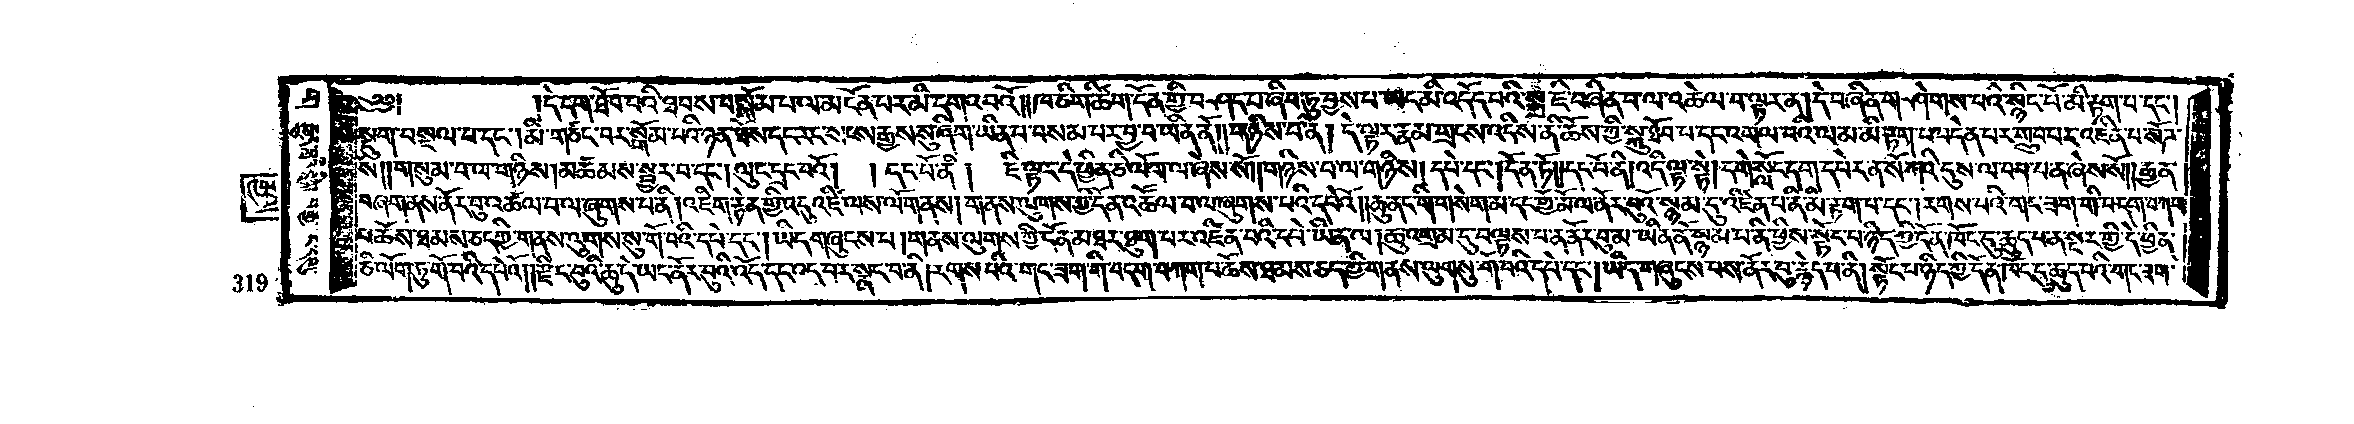༄༅། །དེ་དག་ཐོབ་པའི་ཐབས་བསྒོམ་པ་ལ་མངོན་པར་མི་དགའ་བའོ། །ཁ་ཅིག་ཚིག་དོན་གྱི་བཤད་པ་ཞིབ་ཏུ་བྱས་པ་ཡང་མི་འདོད་པའི་སྒྲ་ཇི་བཞིན་པ་ལ་འཆེལ་པ་ལྟར་ན། དེ་བཞིན་གཤེགས་པའི་སྙིང་པོ་མི་རྟག་པ་དང་།
སྡུག་བསྔལ་བ་དང་། མི་གཙང་བར་སྒོམ་པའི་ཉན་ཐོས་དང་རང་སངས་རྒྱས་སུ་ཞིག་ཡིན་པ་བསམ་པར་བྱ་བ་ཡིན་ནོ། །གཉིས་པ་ནི། དེ་ལྟར་རྣམ་གྲངས་འདིས་ནི་ཆོས་ཀྱི་སྐུ་ཐོབ་པ་དང་འགལ་བའི་ལམ་མི་རྟག་པ་བདེན་པར་གྲུབ་པར་འཛིན་པ་སོགས་
སོ། །གསུམ་པ་ལ་གཉིས། མཚམས་སྦྱར་བ་དང་། ལུང་དྲང་བའོ། །དང་པོ་ནི། ཇི་ལྟར་དེ་ཕྱིན་ཅི་ལོག་ལ་ཞེས་སོ། གཉིས་པ་ལ་གཉིས། དཔེ་དང་། དོན་ཏོ། །དང་པོ་ནི། འདི་ལྟ་སྟེ། དགེ་སློང་དག་དཔེར་ན་སོ་ཀའི་དུས་ལ་བབ་པ་ན་ཞེས་སོ། །རྒྱན་
བཞག་ནས་ནོར་བུ་འཚལ་བ་ལ་ཞུགས་པ་ནི། འཇིག་རྟེན་གྱི་འདུ་འཛི་ལས་ལོག་ནས། གནས་ལུགས་ཀྱི་དོན་འཚོལ་བ་ལ་ཞུགས་པའི་དཔེའོ། །ཆུ་ནང་གི་གསེག་མ་དང་གྱོ་མོ་ལ་ནོར་བུའོ་སྙམ་དུ་འཛིན་པ་ནི་མི་རྟག་པ་དང་། རགས་པའི་གང་ཟག་གི་བདག་བཀབ་
པ་ཆོས་ཐམས་ཅད་ཀྱི་གནས་ལུགས་སུ་གོ་བའི་དཔེ་དང་། ཡིད་གཞུངས་པ། གནས་ལུགས་ཀྱི་དོན་མཐར་ཐུག་པར་འཛིན་པའི་དཔེ་ཡིན་ལ། ཆུ་འགྲམ་དུ་བལྟས་པ་ན་ནོར་བུ་མ་ཡིན་ནོ་སྙམ་པ་ནི་ཕྱིས་སྟོང་པ་ཉིད་ཀྱི་དོན་ཁོང་དུ་ཆུད་པ་ན་སྔར་གྱི་དེ་ཕྱིན་
ཅི་ལོག་ཏུ་གོ་བའི་དཔེའོ། །རྫིང་བུའི་ཆུ་དེ་ཡང་ནོར་བུའི་འོད་དང་འདྲ?་བར་སྣང་བ་ནི། རགས་པའི་གང་ཟག་གི་བདག་བཀག་པ་ཆོས་ཐམས་ཅད་ཀྱི་གནས་ལུགས་སུ་གོ་བའི་དཔེ་དང་། ཡིད་གཞུངས་པས་ནོར་བུ་རྙེད་པ་ནི། སྟོང་པ་ཉིད་ཀྱི་དོན་ཁོང་དུ་ཆུད་པའི་གང་ཟག་